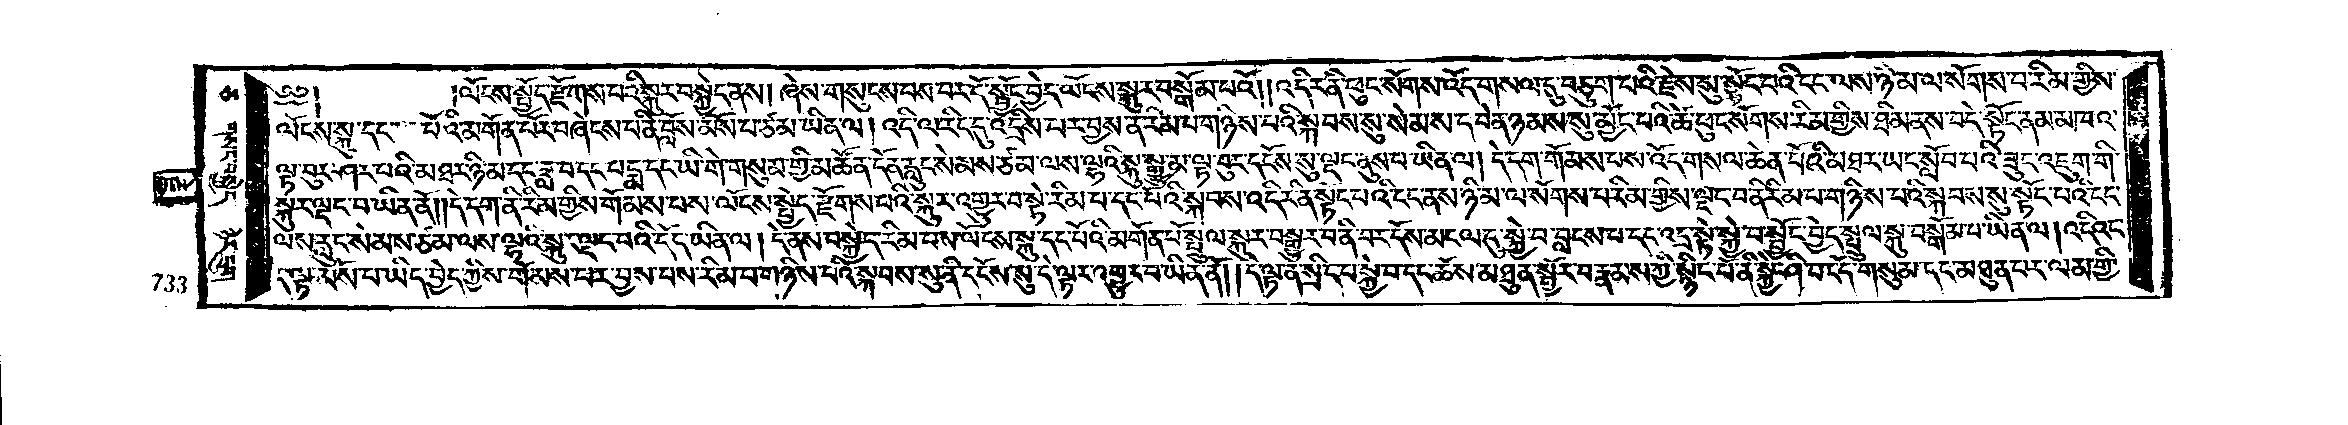༄༅། །ལོངས་སྤྱོད་རྫོགས་པའི་སྐུར་བསྐྱེད་ནས། ཞེས་གསུངས་པས་བར་དོ་སྦྱོང་བྱེད་ལོངས་སྐུར་བསྒོམ་པའོ། །འདིར་ནི་ཕུང་སོགས་འོད་གསལ་དུ་བཅུག་པའི་རྗེས་སུ་སྟོང་པའི་ངང་ལས་ཉི་མ་ལ་སོགས་པ་རིམ་གྱིས་
ལོངས་སྐུ་དང་པོའི་མགོན་པོར་བཞེངས་པ་ནི་བློས་མོས་པ་ཙམ་ཡིན་ལ། འདི་ལ་རིང་དུ་འདྲིས་པར་བྱས་ན་རིམ་པ་གཉིས་པའི་སྐབས་སུ་སེམས་དབེན་ཉམས་སུ་མྱོང་བའི་ཚེ་ཕུང་སོགས་རིམ་གྱིས་ཐིམ་ནས་བདེ་སྟོང་ནམ་མཁའ་
ལྟ་བུར་ཤར་བའི་མཐར་ཉི་མ་དང་ཟླ་བ་དང་པདམ་དང་ཡི་གེ་གསུམ་གྱི་མཚོན་དོན་རླུང་སེམས་ཙམ་ལས་ལྷའི་སྐུ་སྒྱུ་མ་ལྟ་བུར་དངོས་སུ་ལྡང་ནུས་པ་ཡིན་ལ། དེ་དག་གོམས་པས་འོད་གསལ་ཆེན་པོའི་མཐར་ཡང་སློབ་པའི་ཟུང་འཇུག་གི་
སྐུར་ལྡང་བ་ཡིན་ནོ། །དེ་དག་ནི་རིམ་གྱིས་གོམས་པས་ལོངས་སྤྱོད་རྫོགས་པའི་སྐུར་འགྱུར་བ་སྟེ་རིམ་པ་དང་པོའི་སྐབས་འདིར་ནི་སྟོང་པའི་ངང་ནས་ཉི་མ་ལ་སོགས་པ་རིམ་གྱིས་ལྡང་བ་ནི་རིམ་པ་གཉིས་པའི་སྐབས་སུ་སྟོང་པའི་ངང་
ལས་རླུང་སེམས་ཙམ་ལས་ལྷའི་སྐུར་ལྡང་བའི་དོད་ཡིན་ལ། དེ་ནས་བསྐྱེད་རིམ་པས་ལོངས་སྐུ་དང་པོའི་མགོན་པོ་སྤྲུལ་སྐུར་བསྒྱུར་བ་ནི་བར་དོས་མངལ་དུ་སྐྱེ་བ་བླངས་པ་དང་འདྲ་སྟེ་སྐྱེ་བ་སྦྱོང་བྱེད་སྤྲུལ་སྐུ་བསྒོམ་པ་ཡིན་ལ། འདིའང་
ད་ལྟ་མོས་པ་ཡིད་བྱེད་ཀྱིས་གོམས་པར་བྱས་པས་རིམ་པ་གཉིས་པའི་སྐབས་སུ་ནི་དངོས་སུ་དེ་ལྟར་འགྱུར་བ་ཡིན་ནོ། །དེ་ལྟ་ན་སྲིད་པ་སྐྱེ་བ་དང་ཆོས་མཐུན་སྦྱོར་བ་རྣམས་ཀྱི་སྙིང་པོ་ནི་སྐྱེ་ཤི་བར་དོ་གསུམ་དང་མཐུན་པར་ལམ་གྱི་